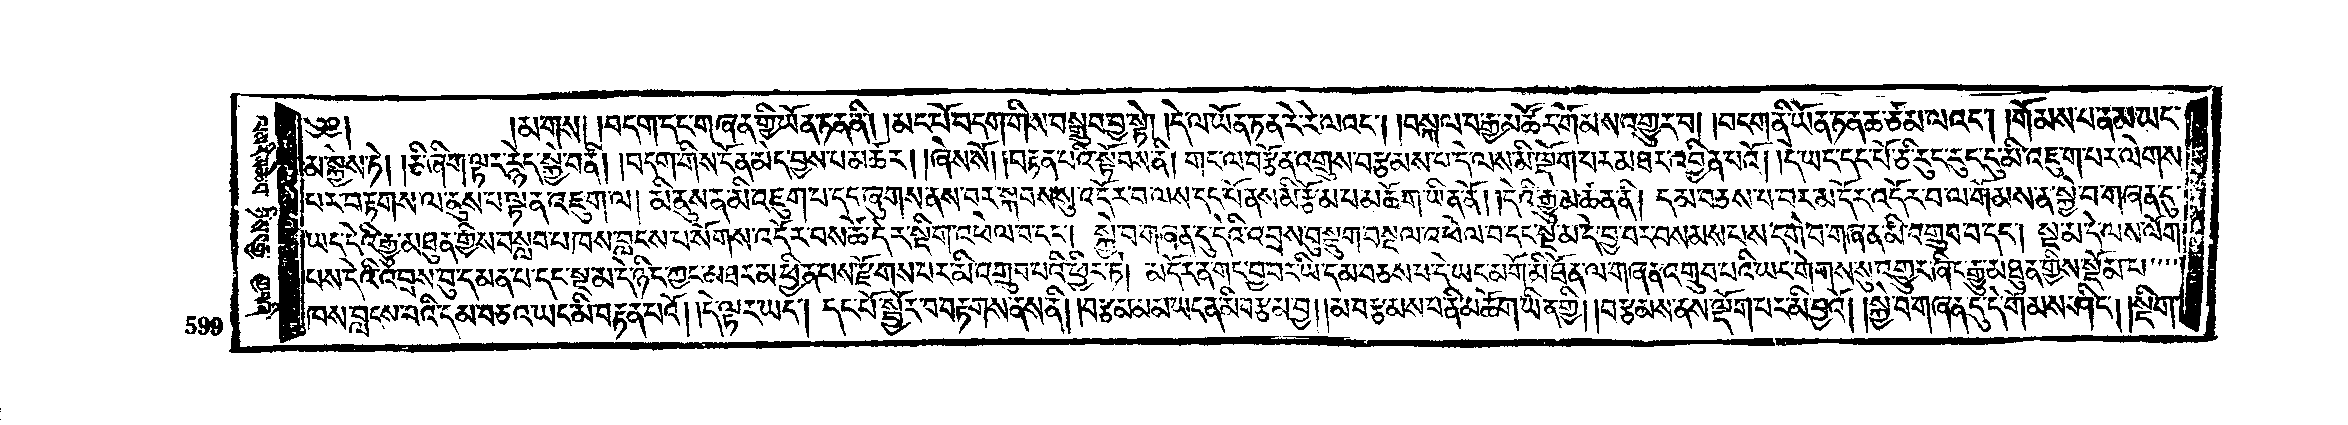༄༅། །མ་གས། །བདག་དང་གཞན་གྱི་ཡོན་ཏན་ནི། །མང་པོ་བདག་གིས་བསྒྲུབ་བྱ་སྟེ། །དེ་ལ་ཡོན་ཏན་རེ་རེ་ལའང་། །བསྐལ་པ་རྒྱ་མཚོར་གོམས་འགྱུར་བ། །བདག་ནི་ཡོན་ཏན་ཆ་ཙམ་ལའང་། །གོམས་པ་ནམ་ཡང་
མ་སྐྱེས་ཏེ། །ཅི་ཞིག་ལྟར་རྙེད་སྐྱེ་བ་ནི། །བདག་གིས་དོན་མེད་བྱས་པ་མཚར། །ཞེས་སོ། །བརྟན་པའི་སྟོབས་ནི། གང་ལ་བརྩོན་འགྲུས་བརྩམས་པ་དེ་ལས་མི་ལྡོག་པར་མཐར་འབྱིན་པའོ། །དེ་ཡང་དང་པོ་ཅི་རུང་རུང་དུ་མི་འཇུག་པར་ལེགས་
པར་བརྟགས་ལ་ནུས་པ་ལྟ་ན་འཇུག་ལ། མི་ནུས་ན་མི་འཇུག་པ་དང་ཞུགས་ནས་བར་སྐབས་སུ་འདོར་བ་ལས་དང་པོ་ནས་མི་རྩོམ་པ་མཆོག་ཡིན་ནོ། །དེའི་རྒྱུ་མཚན་ནི། དམ་བཅས་པ་བར་མ་དོར་འདོར་བ་ལ་གོམས་ན་སྐྱེ་བ་གཞན་དུ་
ཡང་དེའི་རྒྱུ་མཐུན་གྱིས་བསླབ་པ་ཁས་བླངས་པ་སོགས་འདོར་བས་ཚེ་དེར་སྡིག་འཕེལ་བ་དང་། སྐྱེ་བ་གཞན་དུ་དེའི་འབྲས་བུ་སྡུག་བསྔལ་འཕེལ་བ་དང་སྔ་མ་དེ་བྱ་བར་བསམས་པས་དགེ་བ་གཞན་མི་འགྲུབ་པ་དང་། སྔ་མ་དེ་ལས་ལོག་
པས་དེའི་འབྲས་བུ་དམན་པ་དང་སྔ་མ་དེ་ཉིད་ཀྱང་མཐར་མ་ཕྱིན་པས་རྫོགས་པར་མི་འགྲུབ་པའི་ཕྱིར་ཏེ། མདོར་ན་གང་བྱ་བར་ཡི་དམ་བཅས་པ་དེ་ཡང་མགོ་མི་ཐོན་ལ་གཞན་འགྲུབ་པའི་ཡང་གེགས་སུ་འགྱུར་ཞིང་རྒྱུ་མཐུན་གྱིས་སྡོམ་པ་
ཁས་བླངས་པའི་དམ་བཅའ་ཡང་མི་བརྟན་པའོ། །དེ་ལྟར་ཡང་། དང་པོ་སྦྱོར་བ་བརྟགས་ནས་ནི། །བརྩམ་མམ་ཡང་ན་མི་བརྩམ་བྱ། །མ་བརྩམས་པ་ནི་མཆོག་ཡིན་གྱི། །བརྩམས་ནས་ལྡོག་པར་མི་བྱའོ། །སྐྱེ་བ་གཞན་དུ་དེ་གོམས་ཤིང་། །སྡིག་